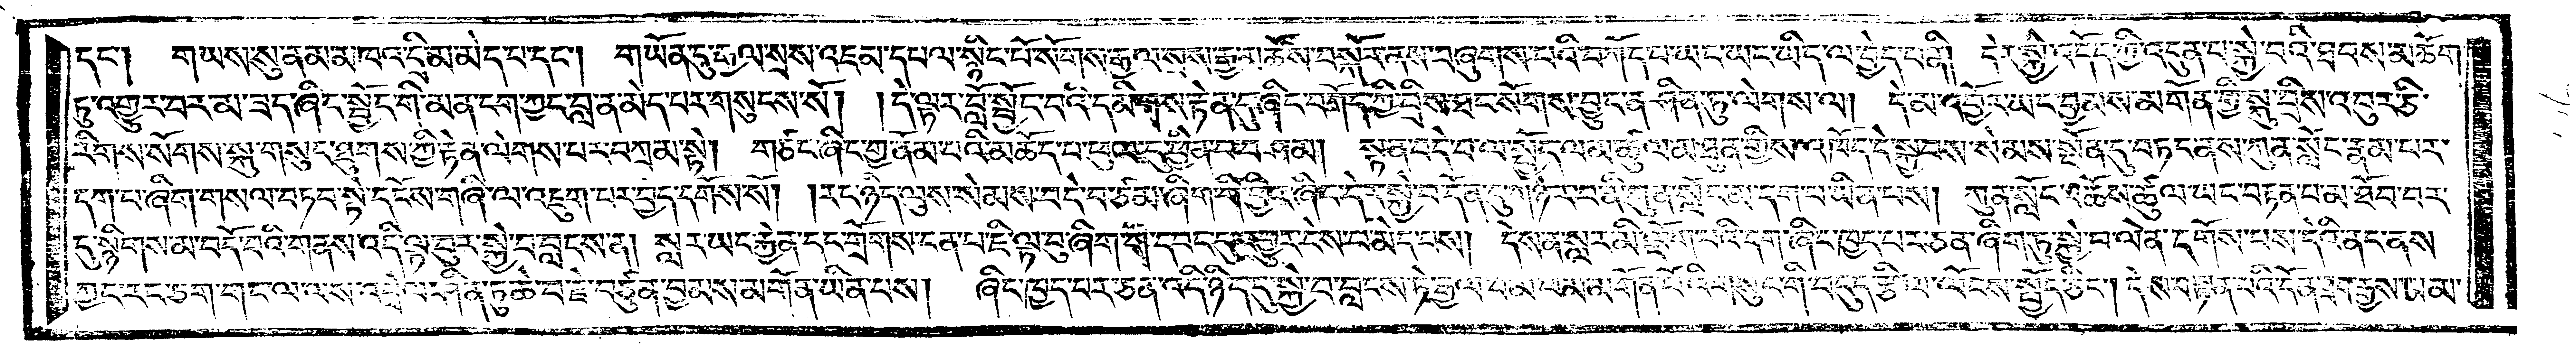དང་། གཡས་སུ་ནམ་མཁའ་དྲི་མ་མེད་པ་དང་། གཡོན་དུ་རྒྱལ་སྲས་འཇམ་དཔལ་སྙིང་པོ་སོགས་རྒྱལ་སྲས་རྒྱ་མཚོས་བསྐོར་ནས་བཞུགས་པའི་བཀོད་པ་ལ་ཡང་ཡིད་ལ་བྱེད་པ་ནི། དེར་སྐྱེ་འདོད་ཀྱི་འདུན་པ་སྐྱེ་བའི་ཐབས་མཆོག་
ཏུ་འགྱུར་བར་མ་ཟད་ཞིང་སྦྱོང་གི་མན་ངག་ཀྱང་བླ་ན་མེད་པར་གསུངས་སོ། །དེ་ལྟར་བློ་སྦྱོང་བའི་དམིགས་རྟེན་དུ་ཞིང་བཀོད་ཀྱི་བྲིས་ཐང་སོགས་བྱུང་ན་ཤིན་ཏུ་ལེགས་ལ། དེ་མ་འབྱོར་ཡང་བྱམས་མགོན་གྱི་སྐུ་བྲིས་འབུར་ཅི་
རིགས་སོགས་སྐུ་གསུང་ཐུགས་ཀྱི་རྟེན་ལེགས་པར་བཀྲམ་སྟེ། གཙང་ཞིང་གྱ་ནོམ་པའི་མཆོད་པ་ཕུལ་དུ་ཕྱིན་པ་བཤམ། སྟན་བདེ་བ་ལ་སྤྱོད་ལམ་ཚུལ་མཐུན་གྱིས་འཁོད་དེ་སྐྱབས་སེམས་སྔོན་དུ་བཏང་ནས་ཀུན་སློང་རྣམ་པར་
དག་པ་ཞིག་གསལ་བཏབ་སྟེ་དངོས་གཞི་ལ་འཇུག་པར་བྱེད་དགོས་སོ། །རང་ཉིད་ལུས་སེམས་བདེ་བ་ཙམ་ཞིག་གི་ཕྱིར་ཞིང་དེར་སྐྱེ་བ་དོན་དུ་གཉེར་བ་ནི་ཀུན་སློང་མ་དག་པ་ཡིན་པས། ཀུན་སློང་འཆོས་ཚུལ་ཡང་བརྟན་པ་མ་ཐོབ་པར་
དུ་སྙིགས་མ་བོད་བའི་གནས་འདི་ལྟ་བུར་སྐྱེ་བ་བླངས་ན། སླར་ཡང་རྐྱེན་དང་གྲོགས་ངན་པ་ཇི་ལྟ་བུ་ཞིག་གི་དབང་དུ་འགྱུར་ངེས་པ་མེད་པས། དེས་ན་སླར་མི་ལྡོག་པའི་དག་ཞིང་ཁྱད་པར་ཅན་ཞིག་ཏུ་སྐྱེ་བ་ལེན་དགོས་པས་དེའི་ནང་ནས་
ཀྱང་རང་ཅག་གང་ལ་ལས་འབྲེལ་ཅན་ཤིན་ཏུ་ཆེ་བ་རྗེ་བཙུན་བྱམས་མགོན་ཡིན་པས། ཞིང་ཁྱད་པར་ཅན་འདི་ཉིད་དུ་སྐྱེ་བ་བླངས་ཏེ་རྒྱལ་བ་མ་ཕམ་མགོན་པོའི་གསུང་གི་བདུད་རྩི་ལ་ལོངས་སྤྱོད་ཅིང་། དེས་བསྟན་པའི་དོན་ཟབ་རྒྱས་ཨམ་